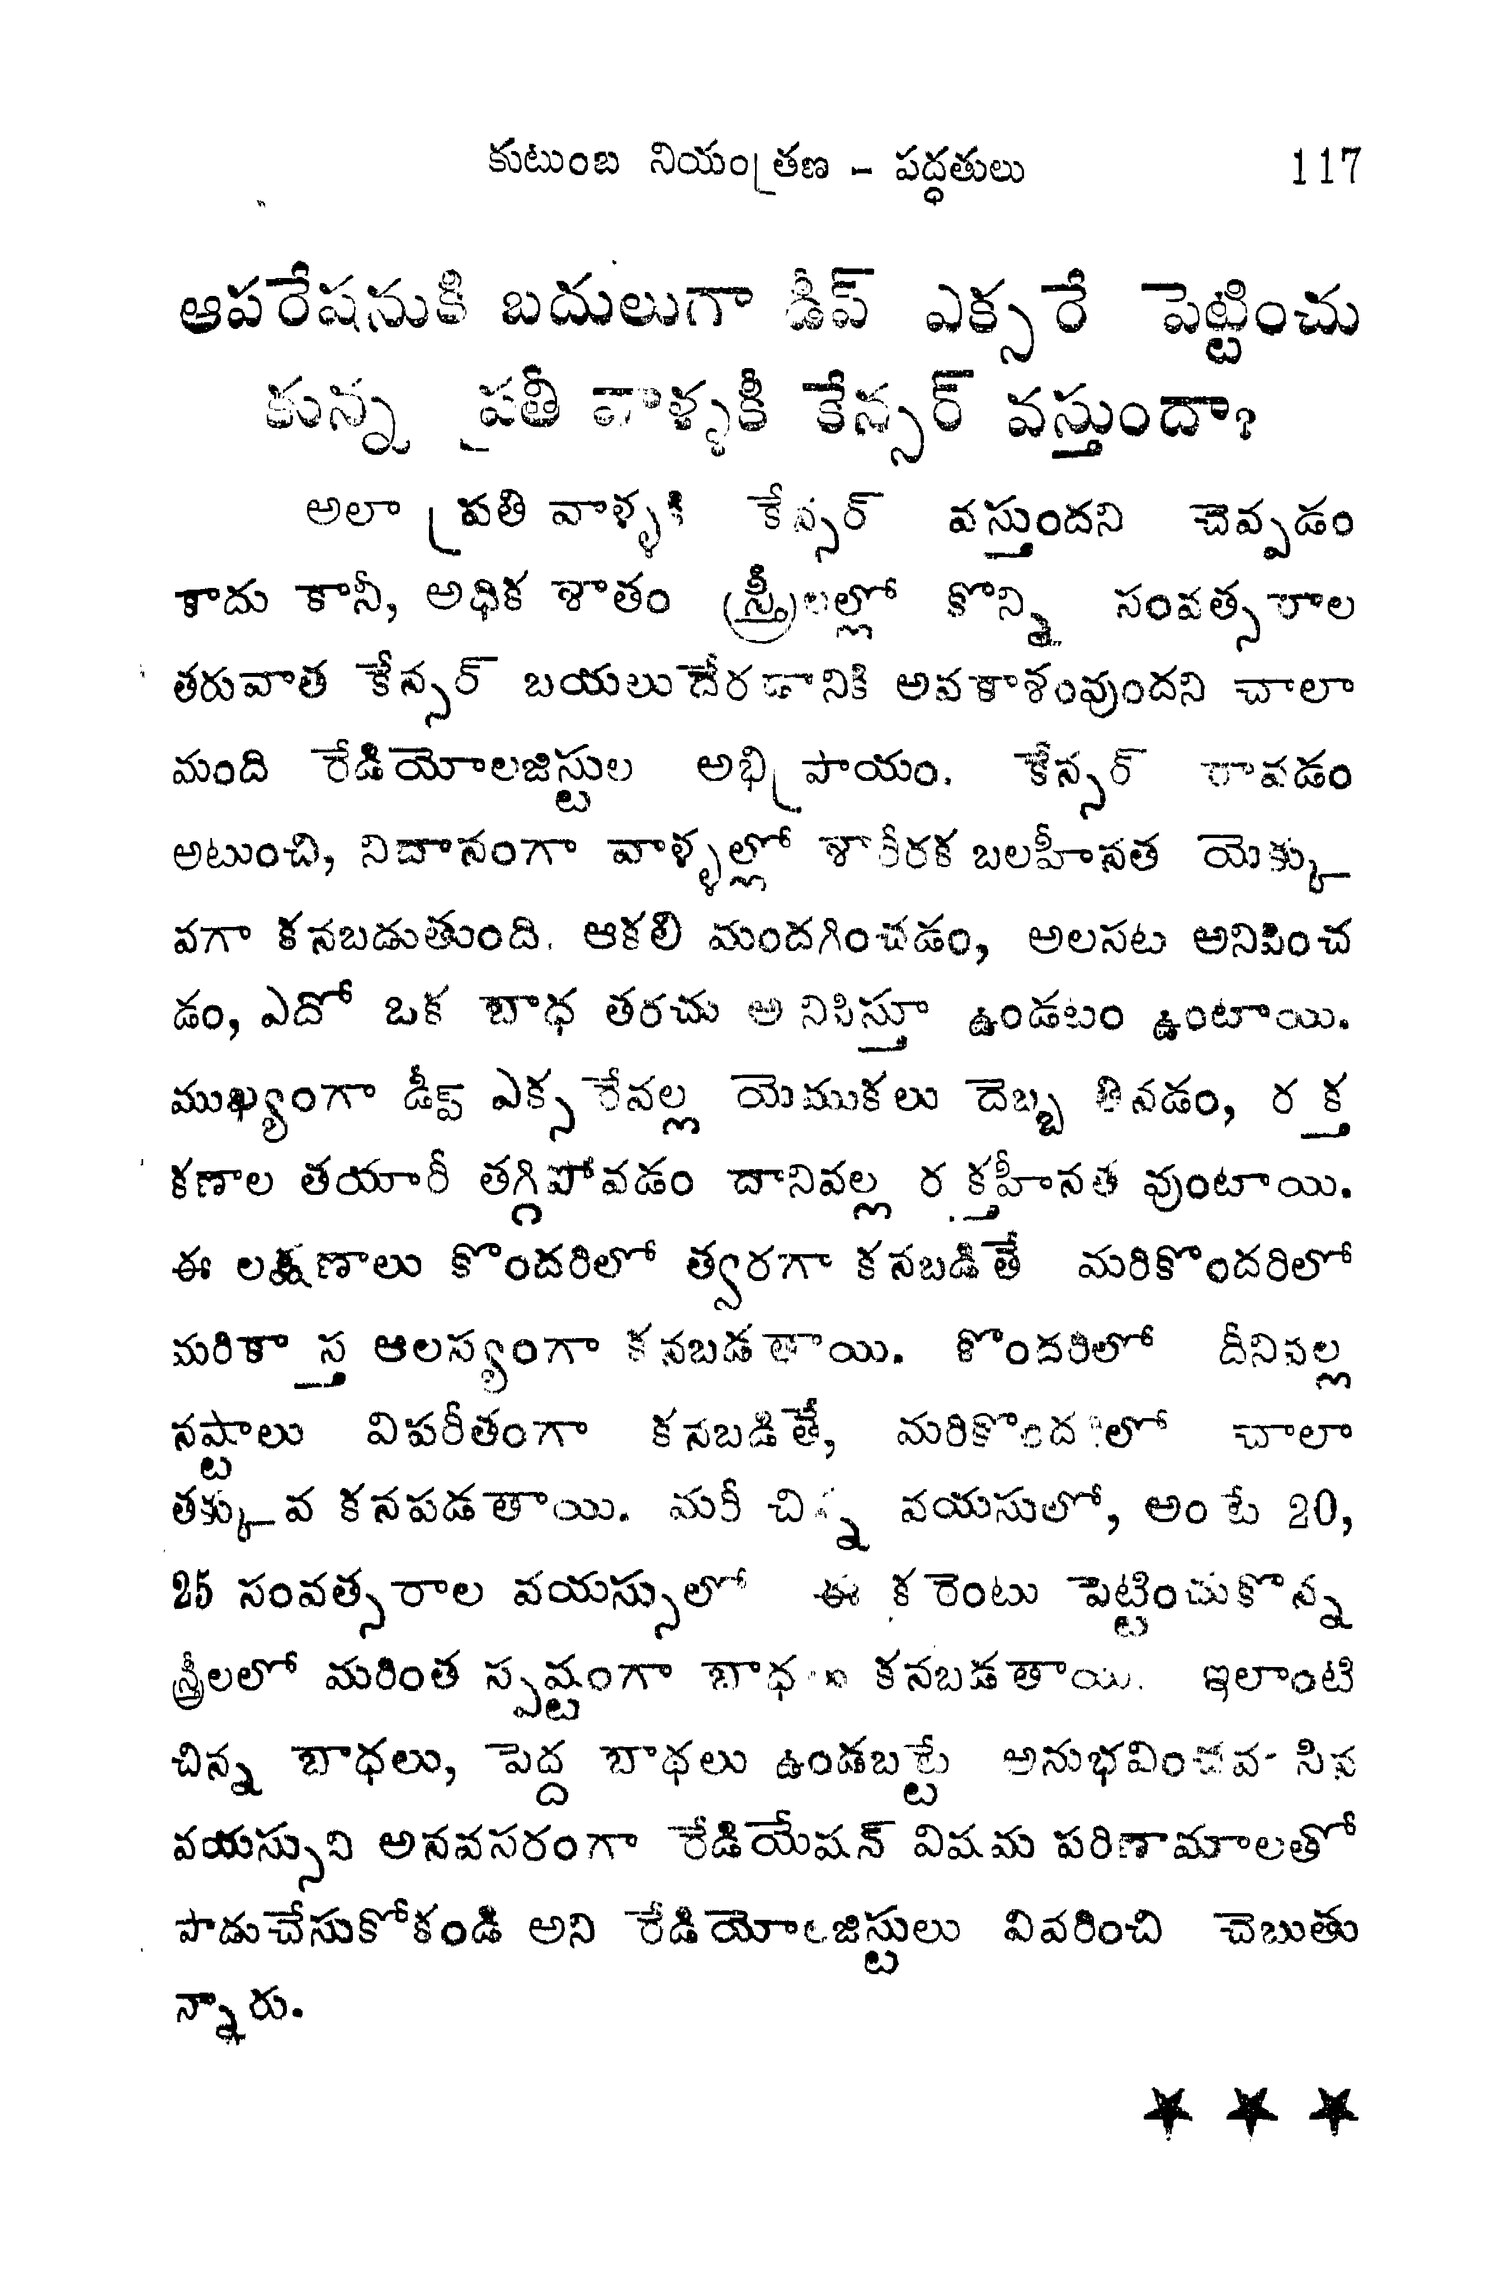అలా ప్రతి వాళ్ళకి కేన్సర్ వస్తుందని చెప్పడం కాదు కానీ, అధిక శాతం స్త్రీలల్లో కొన్ని సంవత్సరాల తరువాత కేన్సర్ బయలుదేరడానికి అవకాశంవుందని చాలా మంది రేడియోలజిస్టుల అభిప్రాయం. కేన్సర్ రావడం అటుంచి , నిదానంగా వాళ్ళల్లో శారీరిక బలహీనత యెక్కువగా కనబడుతుంది. ఆకలి మందగించడం, అలసట అనిపించడం, ఏదో ఒక బాధ తరచు అనిపిస్తూ ఉండటం ఉంటాయి. ముఖ్యంగా డీప్ ఎక్సరేవల్ల యెముకలు దెబ్బ తినడం, రక్త కణాల తయారీ తగ్గిపోవడం దానివల్ల రక్తహీనత వుంటాయి. ఈ లక్షణాలు కొందరిలో త్వరగా కనబడితే మరికొందరిలో మరికాస్త ఆలస్యంగా కనబడతాయి. కొందరిలో దీనివల్ల నష్టాలు విపరీతంగా కనబడితే, మరికొందరిలో చాలా తక్కువ కనపడతాయి. మరీ చిన్న వయసులో, అంటే 20, 25 సంవత్సరాల వయస్సులో ఈ కరెంటు పెట్టించుకొన్న స్త్రీలలో మరింత స్పష్టంగా బాధలు కనబడతాయి. ఇలాంటి చిన్న బాధలు, పెద్ధ బాధలు ఉండబట్టే అనుభవించవలసిన వయస్సుని అనవసరంగా రేడియేషన్ విషమ పరిణామాలతో పాడుచేసుకోకండి అని రేడియాలజిస్టులు వివరించి చెబుతున్నారు.

* * *